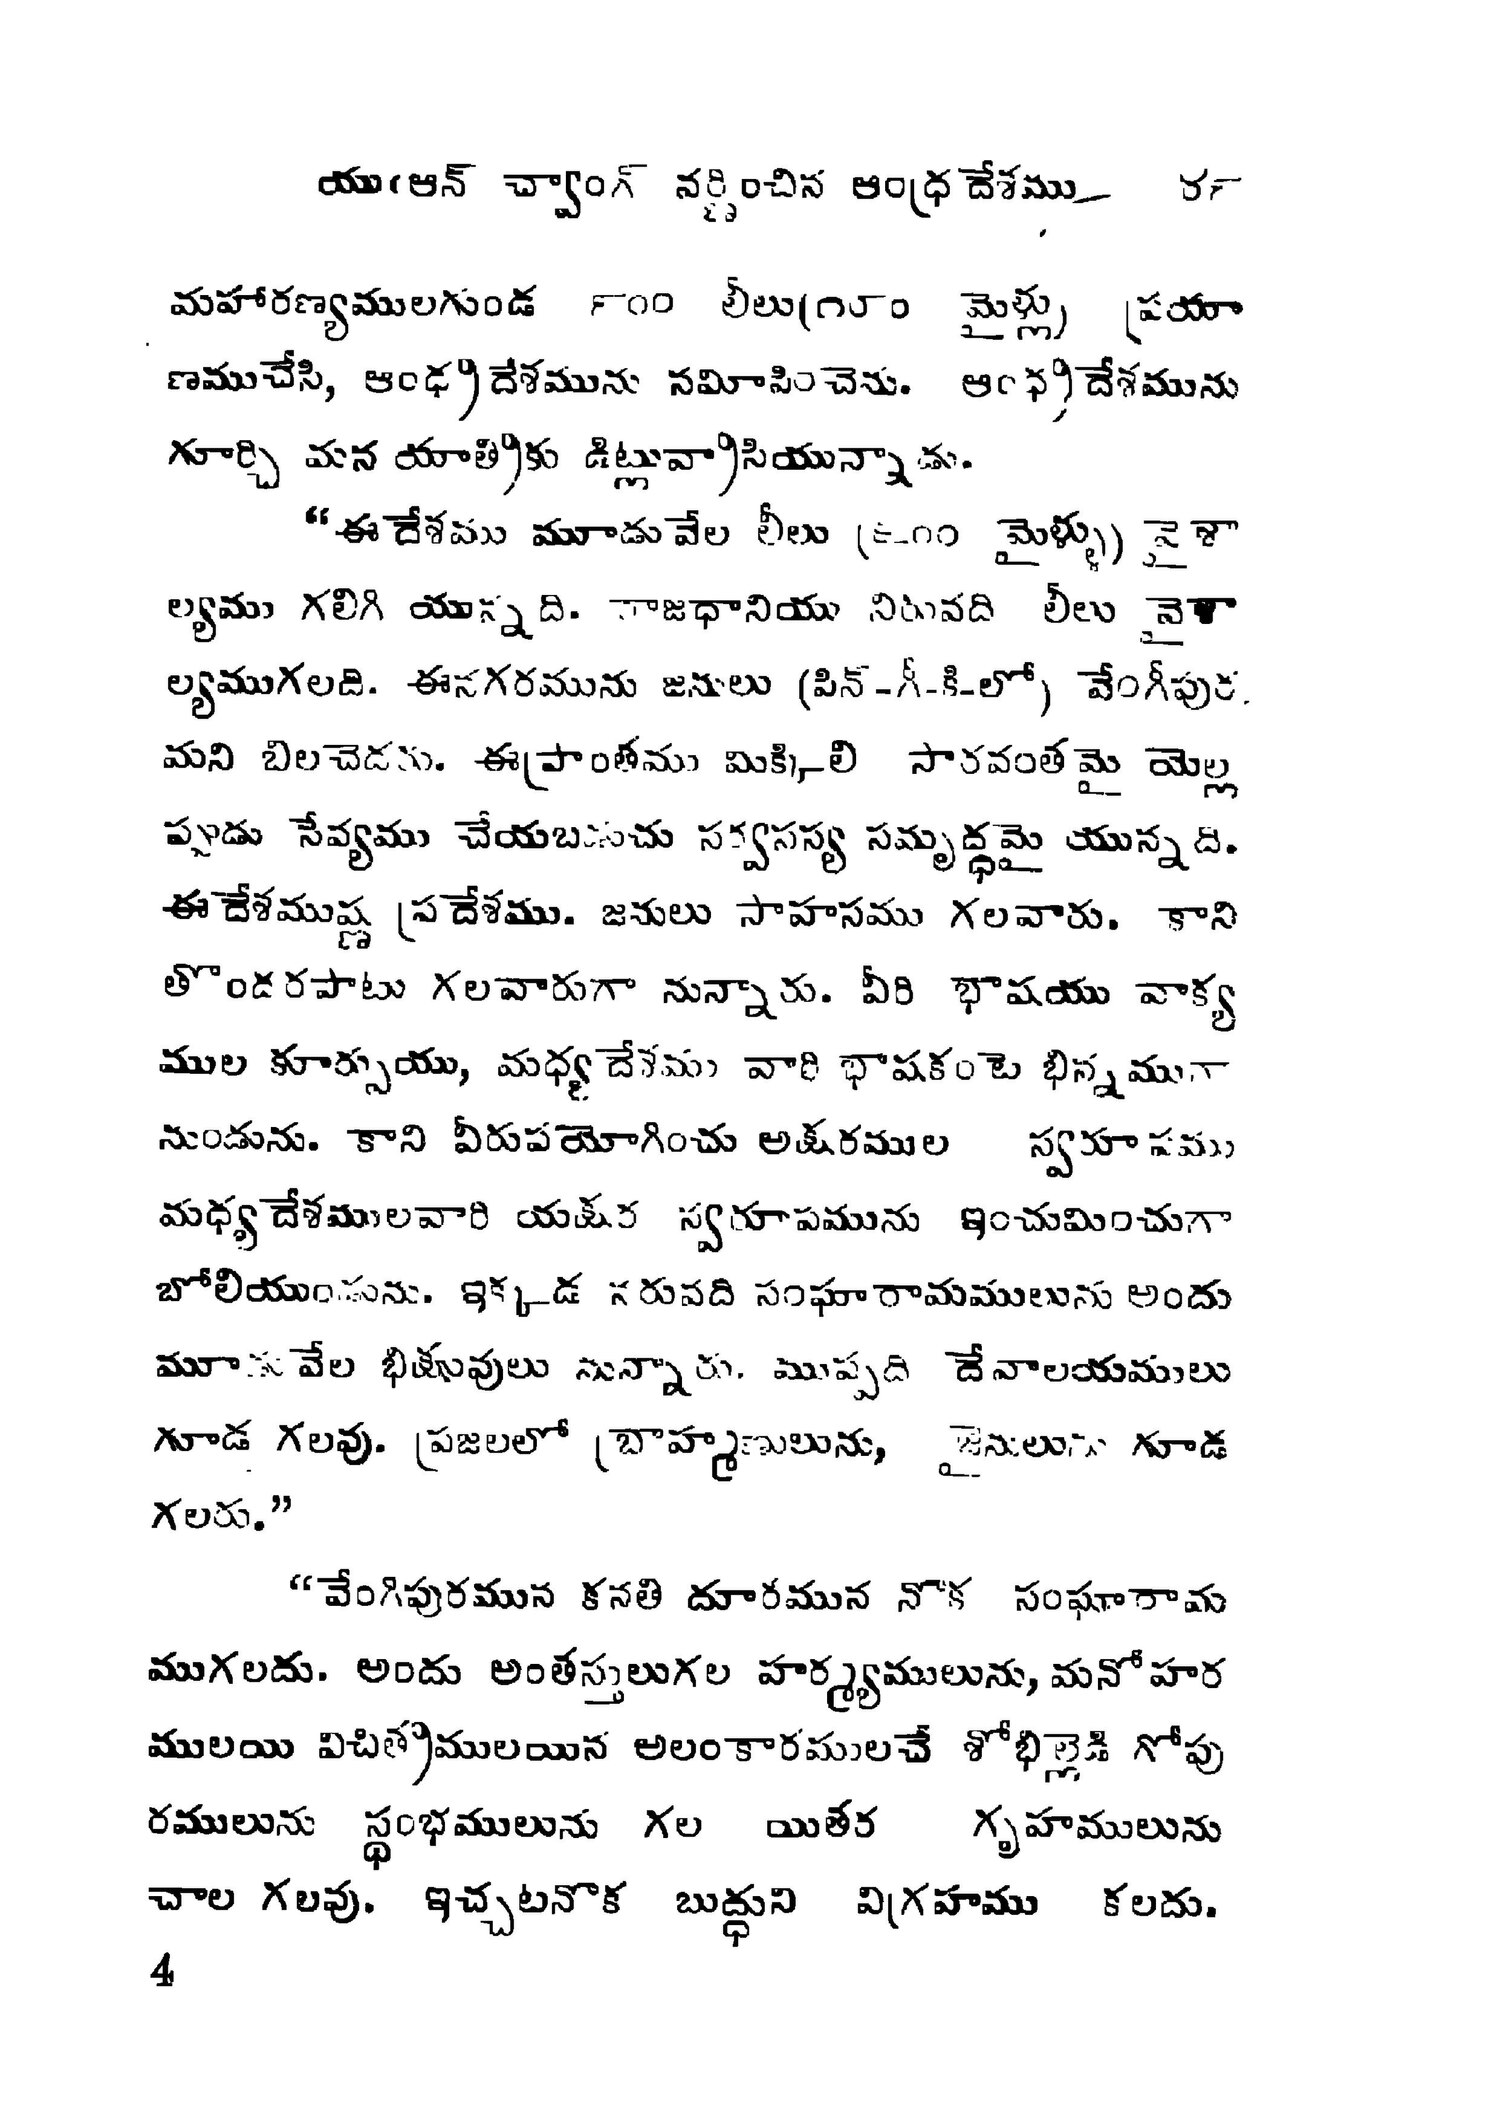మహారణ్యములగుండ 900 లీలు (180 మైళ్ళు) ప్రయాణముచేసి, ఆంధ్రదేశమును సమీపించెను. ఆంధ్రదేశమును గూర్చి మన యాత్రికు డిట్లువ్రాసియున్నాడు.

"ఈదేశము మూడువేల లీలు (610 మైళ్ళు) వైశాల్యము గలిగి యున్నది. రాజధానియు నిరువది లీలు వైశాల్యముగలది. ఈనగరమును జనులు (పిన్-గీ-కి-లో) వేంగీపురమని బిలచెదరు. ఈప్రాంతము మిక్కిలి సారవంతమై యెల్లప్పుడు సేవ్యము చేయబడుచు సర్వసస్య సమృద్ధమై యున్నది. ఈదేశముష్ణ ప్రదేశము. జనులు సాహసము గలవారు. కాని తొందరపాటు గలవారుగా నున్నారు. వీరి భాషయు వాక్యముల కూర్సుయు, మధ్యదేశము వారి భాషకంటె భిన్నముగా నుండును. కాని వీరుపయోగించు అక్షరముల స్వరూపము మధ్యదేశములవారి యక్షర స్వరూపమును ఇంచుమించుగా బోలియుండును. ఇక్కడ నరువది సంఘారామములును అందు మూడువేల భిక్షువులు నున్నారు. ముప్పది దేవాలయములు గూడ గలవు. ప్రజలలో బ్రాహ్మణులును, జైనులును గూడ గలరు."

"వేంగిపురమున కనతి దూరమున నొక సంఘారామముగలదు. అందు అంతస్తులుగల హర్మ్యములును, మనోహరములయి విచిత్రములయిన అలంకారములచే శోభిల్లెడి గోపురములును స్థంభములును గల యితర గృహములును చాల గలవు. ఇచ్చటనొక బుద్ధుని విగ్రహము కలదు.